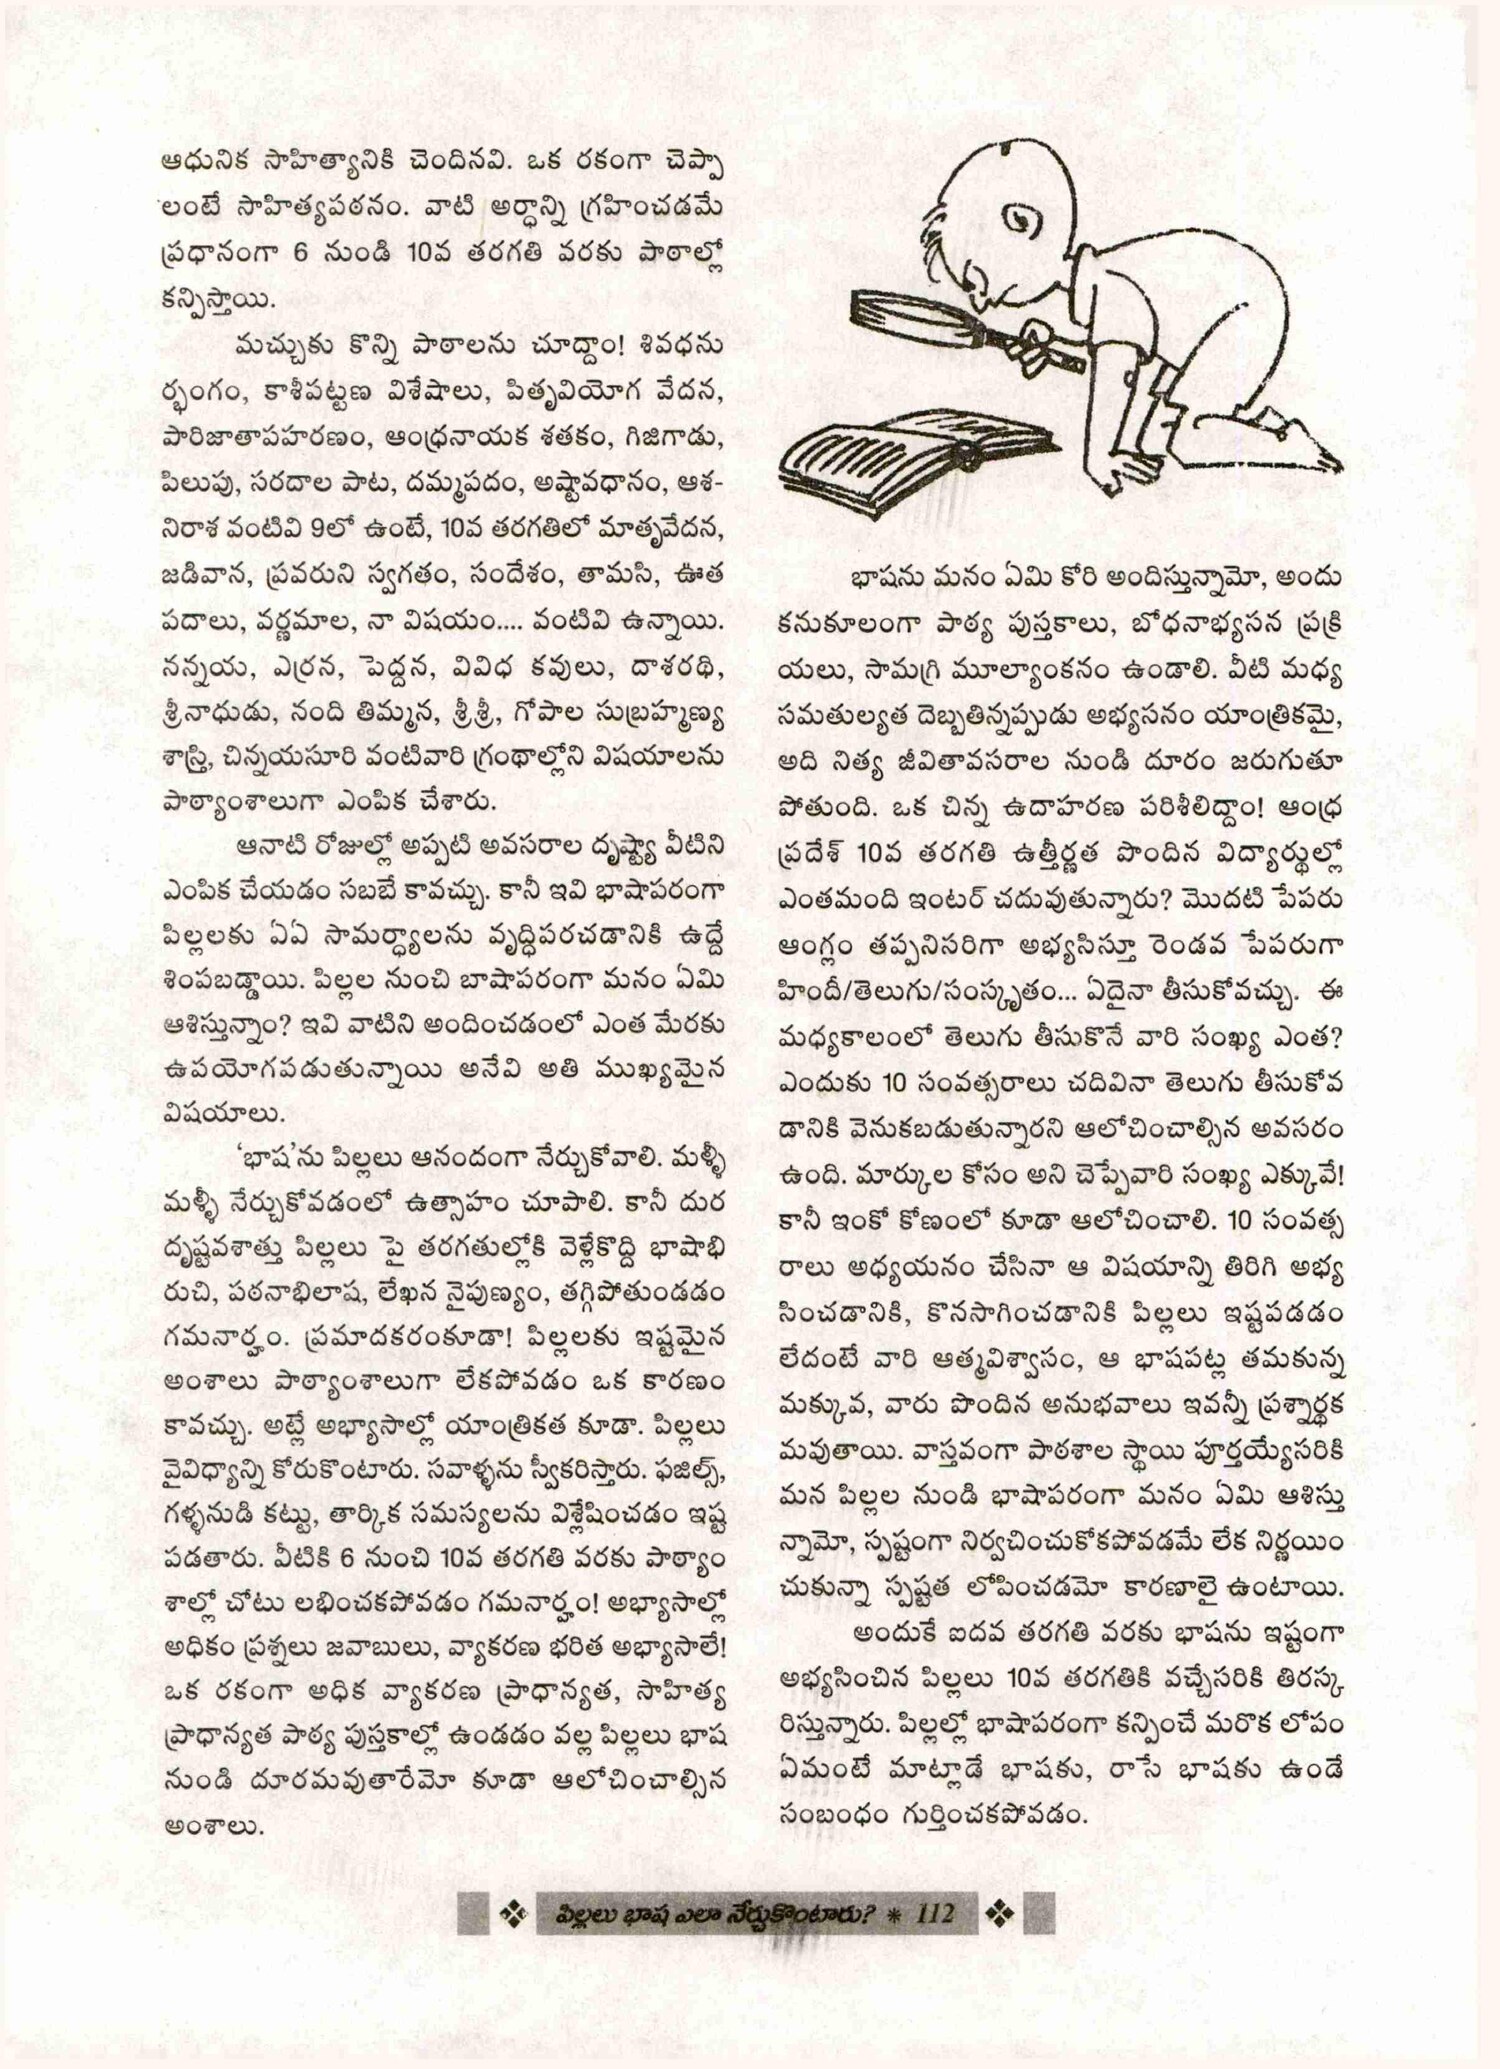ఆధునిక సాహిత్యానికి చెందినవి. ఒక రకంగా చెప్పాలంటే సాహిత్యపఠనం. వాటి అర్ధాన్ని గ్రహించడమే ప్రధానంగా 6 నుండి 10వ తరగతి వరకు పాఠాల్లో కన్పిస్తాయి.

మచ్చుకు కొన్ని పాఠాలను చూద్దాం! శివధనుర్భంగం, కాశీపట్టణ విశేషాలు, పితృవియోగ వేదన, పారిజాతాపహరణం, ఆంధ్రనాయక శతకం, గిజిగాడు, పిలుపు, సరదాల పాట, దమ్మపదం, అష్టావధానం, ఆశ -నిరాశ వంటివి 9లో ఉంటే, 10వ తరగతిలో మాతృవేదన, జడివాన, ప్రవరుని స్వగతం, సందేశం, తామసి, ఊత పదాలు, వర్ణమాల, నా విషయం.... వంటివి ఉన్నాయి. నన్నయ, ఎర్రన, పెద్దన, వివిధ కవులు, దాశరథి, శ్రీనాధుడు, నంది తిమ్మన, శ్రీశ్రీ, గోపాల సుబ్రహ్మణ్యశాస్త్రి, చిన్నయసూరి వంటివారి గ్రంథాల్లోని విషయాలను పాఠ్యాంశాలుగా ఎంపిక చేశారు.

ఆనాటి రోజుల్లో అప్పటి అవసరాల దృష్ట్యా వీటిని ఎంపిక చేయడం సబబే కావచ్చు. కానీ ఇవి భాషాపరంగా
పిల్లలకు ఏఏ సామర్ధ్యాలను వృద్ధిపరచడానికి ఉద్దేశింపబడ్డాయి. పిల్లల నుంచి బాషాపరంగా మనం ఏమి
ఆశిస్తున్నాం? ఇవి వాటిని అందించడంలో ఎంత మేరకు ఉపయోగపడుతున్నాయి అనేవి అతి ముఖ్యమైన
విషయాలు.

'భాష'ను పిల్లలు ఆనందంగా నేర్చుకోవాలి. మళ్ళీ మళ్ళీ నేర్చుకోవడంలో ఉత్సాహం చూపాలి. కానీ దురదృష్టవశాత్తు పిల్లలు పై తరగతుల్లోకి వెళ్లేకొద్ది భాషాభిరుచి, పఠనాభిలాష, లేఖన నైపుణ్యం, తగ్గిపోతుండడం గమనార్హం. ప్రమాదకరంకూడా! పిల్లలకు ఇష్టమైన అంశాలు పాఠ్యాంశాలుగా లేకపోవడం ఒక కారణం కావచ్చు. అట్లే అభ్యాసాల్లో యాంత్రికత కూడా. పిల్లలు వైవిధ్యాన్ని కోరుకొంటారు. సవాళ్ళను స్వీకరిస్తారు. ఫజిల్స్, గళ్ళనుడి కట్టు, తార్కిక సమస్యలను విశ్లేషించడం ఇష్ట పడతారు. వీటికి 6 నుంచి 10వ తరగతి వరకు పాఠ్యాంశాల్లో చోటు లభించకపోవడం గమనార్హం! అభ్యాసాల్లో అధికం ప్రశ్నలు జవాబులు, వ్యాకరణ భరిత అభ్యాసాలే! ఒక రకంగా అధిక వ్యాకరణ ప్రాధాన్యత, సాహిత్య ప్రాధాన్యత పాఠ్య పుస్తకాల్లో ఉండడం వల్ల పిల్లలు భాష నుండి దూరమవుతారేమో కూడా ఆలోచించాల్సిన అంశాలు.

భాషను మనం ఏమి కోరి అందిస్తున్నామో, అందు కనుకూలంగా పాఠ్య పుస్తకాలు, బోధనాభ్యసన ప్రక్రియలు, సామగ్రి మూల్యాంకనం ఉండాలి. వీటి మధ్య సమతుల్యత దెబ్బతిన్నప్పుడు అభ్యసనం యాంత్రికమై, అది నిత్య జీవితావసరాల నుండి దూరం జరుగుతూ పోతుంది. ఒక చిన్న ఉదాహరణ పరిశీలిద్దాం! ఆంధ్ర ప్రదేశ్ 10వ తరగతి ఉత్తీర్ణత పొందిన విద్యార్థుల్లో ఎంతమంది ఇంటర్ చదువుతున్నారు? మొదటి పేపరు ఆంగ్లం తప్పనిసరిగా అభ్యసిస్తూ రెండవ పేపరుగా హిందీ/తెలుగు/సంస్కృతం... ఏదైనా తీసుకోవచ్చు. ఈ మధ్యకాలంలో తెలుగు తీసుకొనే వారి సంఖ్య ఎంత? ఎందుకు 10 సంవత్సరాలు చదివినా తెలుగు తీసుకోవడానికి వెనుకబడుతున్నారని ఆలోచించాల్సిన అవసరం ఉంది. మార్కుల కోసం అని చెప్పేవారి సంఖ్య ఎక్కువే! కానీ ఇంకో కోణంలో కూడా ఆలోచించాలి. 10 సంవత్సరాలు అధ్యయనం చేసినా ఆ విషయాన్ని తిరిగి అభ్యసించడానికి, కొనసాగించడానికి పిల్లలు ఇష్టపడడం లేదంటే వారి ఆత్మవిశ్వాసం, ఆ భాషపట్ల తమకున్న మక్కువ, వారు పొందిన అనుభవాలు ఇవన్నీ ప్రశ్నార్థక మవుతాయి. వాస్తవంగా పాఠశాల స్థాయి పూర్తయ్యేసరికి మన పిల్లల నుండి భాషాపరంగా మనం ఏమి ఆశిస్తున్నామో, స్పష్టంగా నిర్వచించుకోకపోవడమే లేక నిర్ణయించుకున్నా స్పష్టత లోపించడమో కారణాలై ఉంటాయి.

అందుకే ఐదవ తరగతి వరకు భాషను ఇష్టంగా అభ్యసించిన పిల్లలు 10వ తరగతికి వచ్చేసరికి తిరస్కరిస్తున్నారు. పిల్లల్లో భాషాపరంగా కన్పించే మరొక లోపం ఏమంటే మాట్లాడే భాషకు, రాసే భాషకు ఉండే సంబంధం గుర్తించకపోవడం.